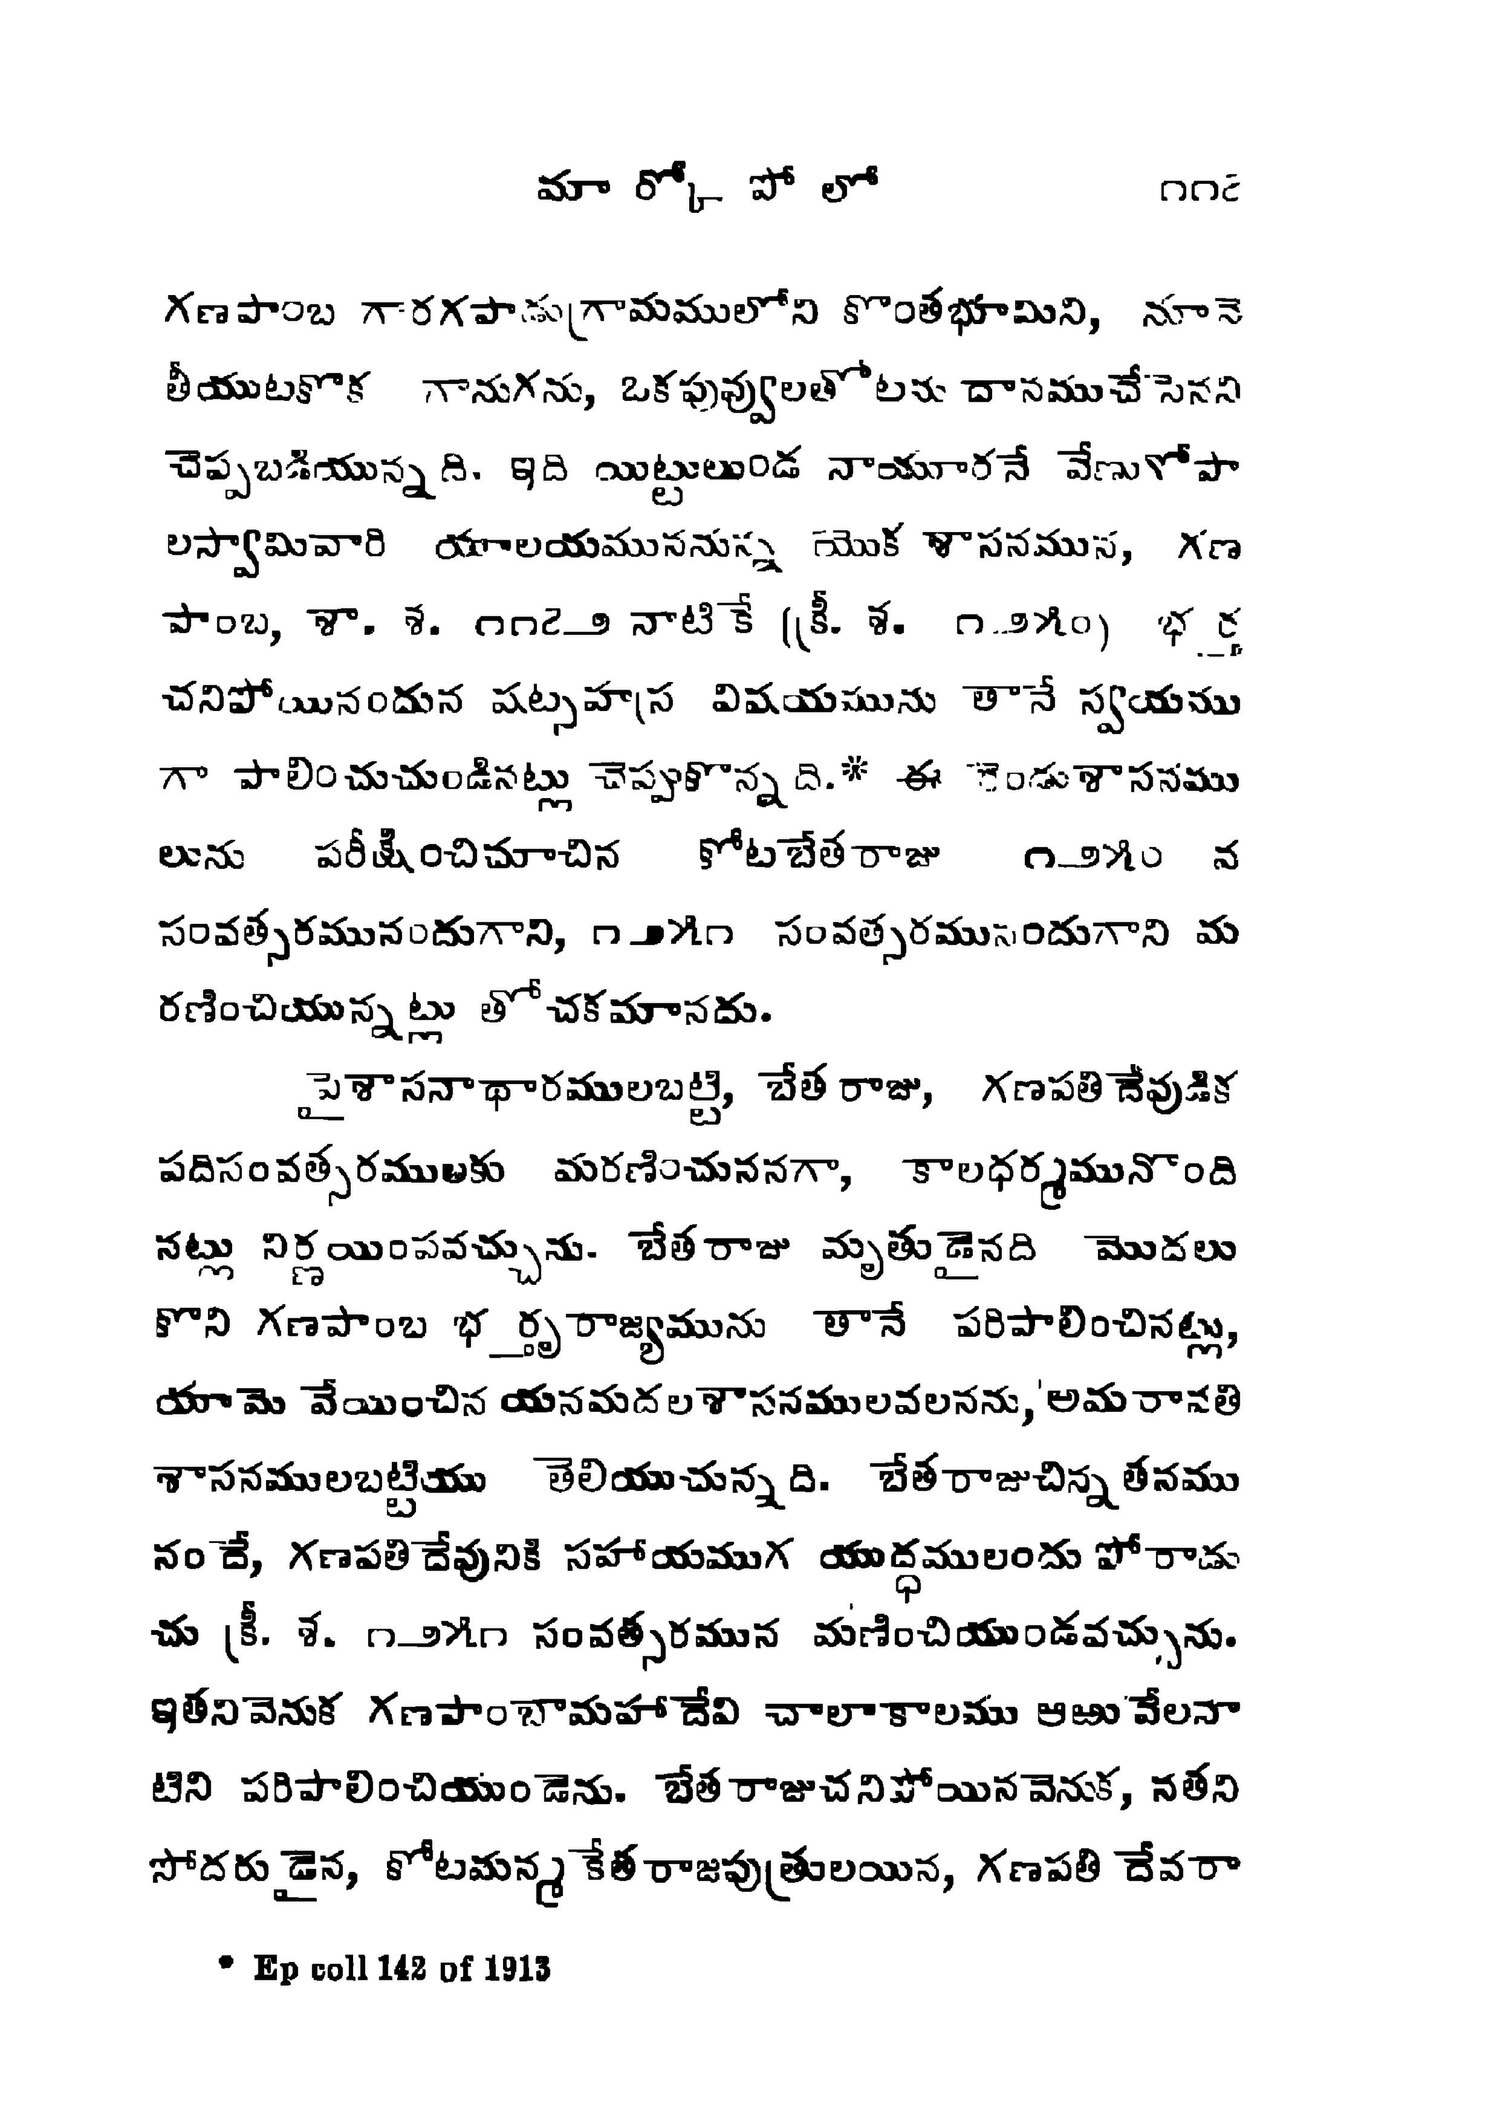గణపాంబ గారగపాడు గ్రామములోని కొంతభూమిని, నూనె తీయుటకొక గానుగను, ఒకపువ్వుల తోటను దానము చేసెనని చెప్పబడియున్నది. ఇది యిట్టులుండ నాయూరనే వేణుగోపాలస్వామివారి యాలయముననున్న యొక శాసనమున, గణపాంబ, శా. శ. 1172 నాటికే (క్రీ. శ. 1250) భర్త చనిపోయినందున షట్సహస్ర విషయమును తానే స్వయముగా పాలించుచుండినట్లు చెప్పుకొన్నది. ఈ రెండుశాసనములును పరీక్షించిచూచిన కోటబేతరాజు 1250 వ సంవత్సరమునందుగాని, 1251 సంవత్సరమునందుగాని మరణించియున్నట్లు తోచకమానదు.

పైశాసనాథారములబట్టి, బేతరాజు, గణపతిదేవుడిక పదిసంవత్సరములకు మరణించుననగా, కాలధర్మమునొందినట్లు నిర్ణయింపవచ్చును. బేతరాజు మృతుడైనది మొదలుకొని గణపాంబ భర్తృ రాజ్యమును తానే పరిపాలించినట్లు, యామె వేయించిన యనమదల శాసనములవలనను, అమరావతి శాసనములబట్టియు తెలియుచున్నది. బేతరాజు చిన్నతనమునందే, గణపతిదేవునికి సహాయముగ యుద్ధములందు పోరాడుచు క్రీ. శ. 1251 సంవత్సరమున మరణించియుండవచ్చును. ఇతనివెనుక గణపాంబామహాదేవి చాలాకాలము ఆఱువేలనాటిని పరిపాలించియుండెను. బేతరాజు చనిపోయినవెనుక, నతని సోదరుడైన, కోటమన్మకేత రాజపుత్రులయిన, గణపతి దేవరా